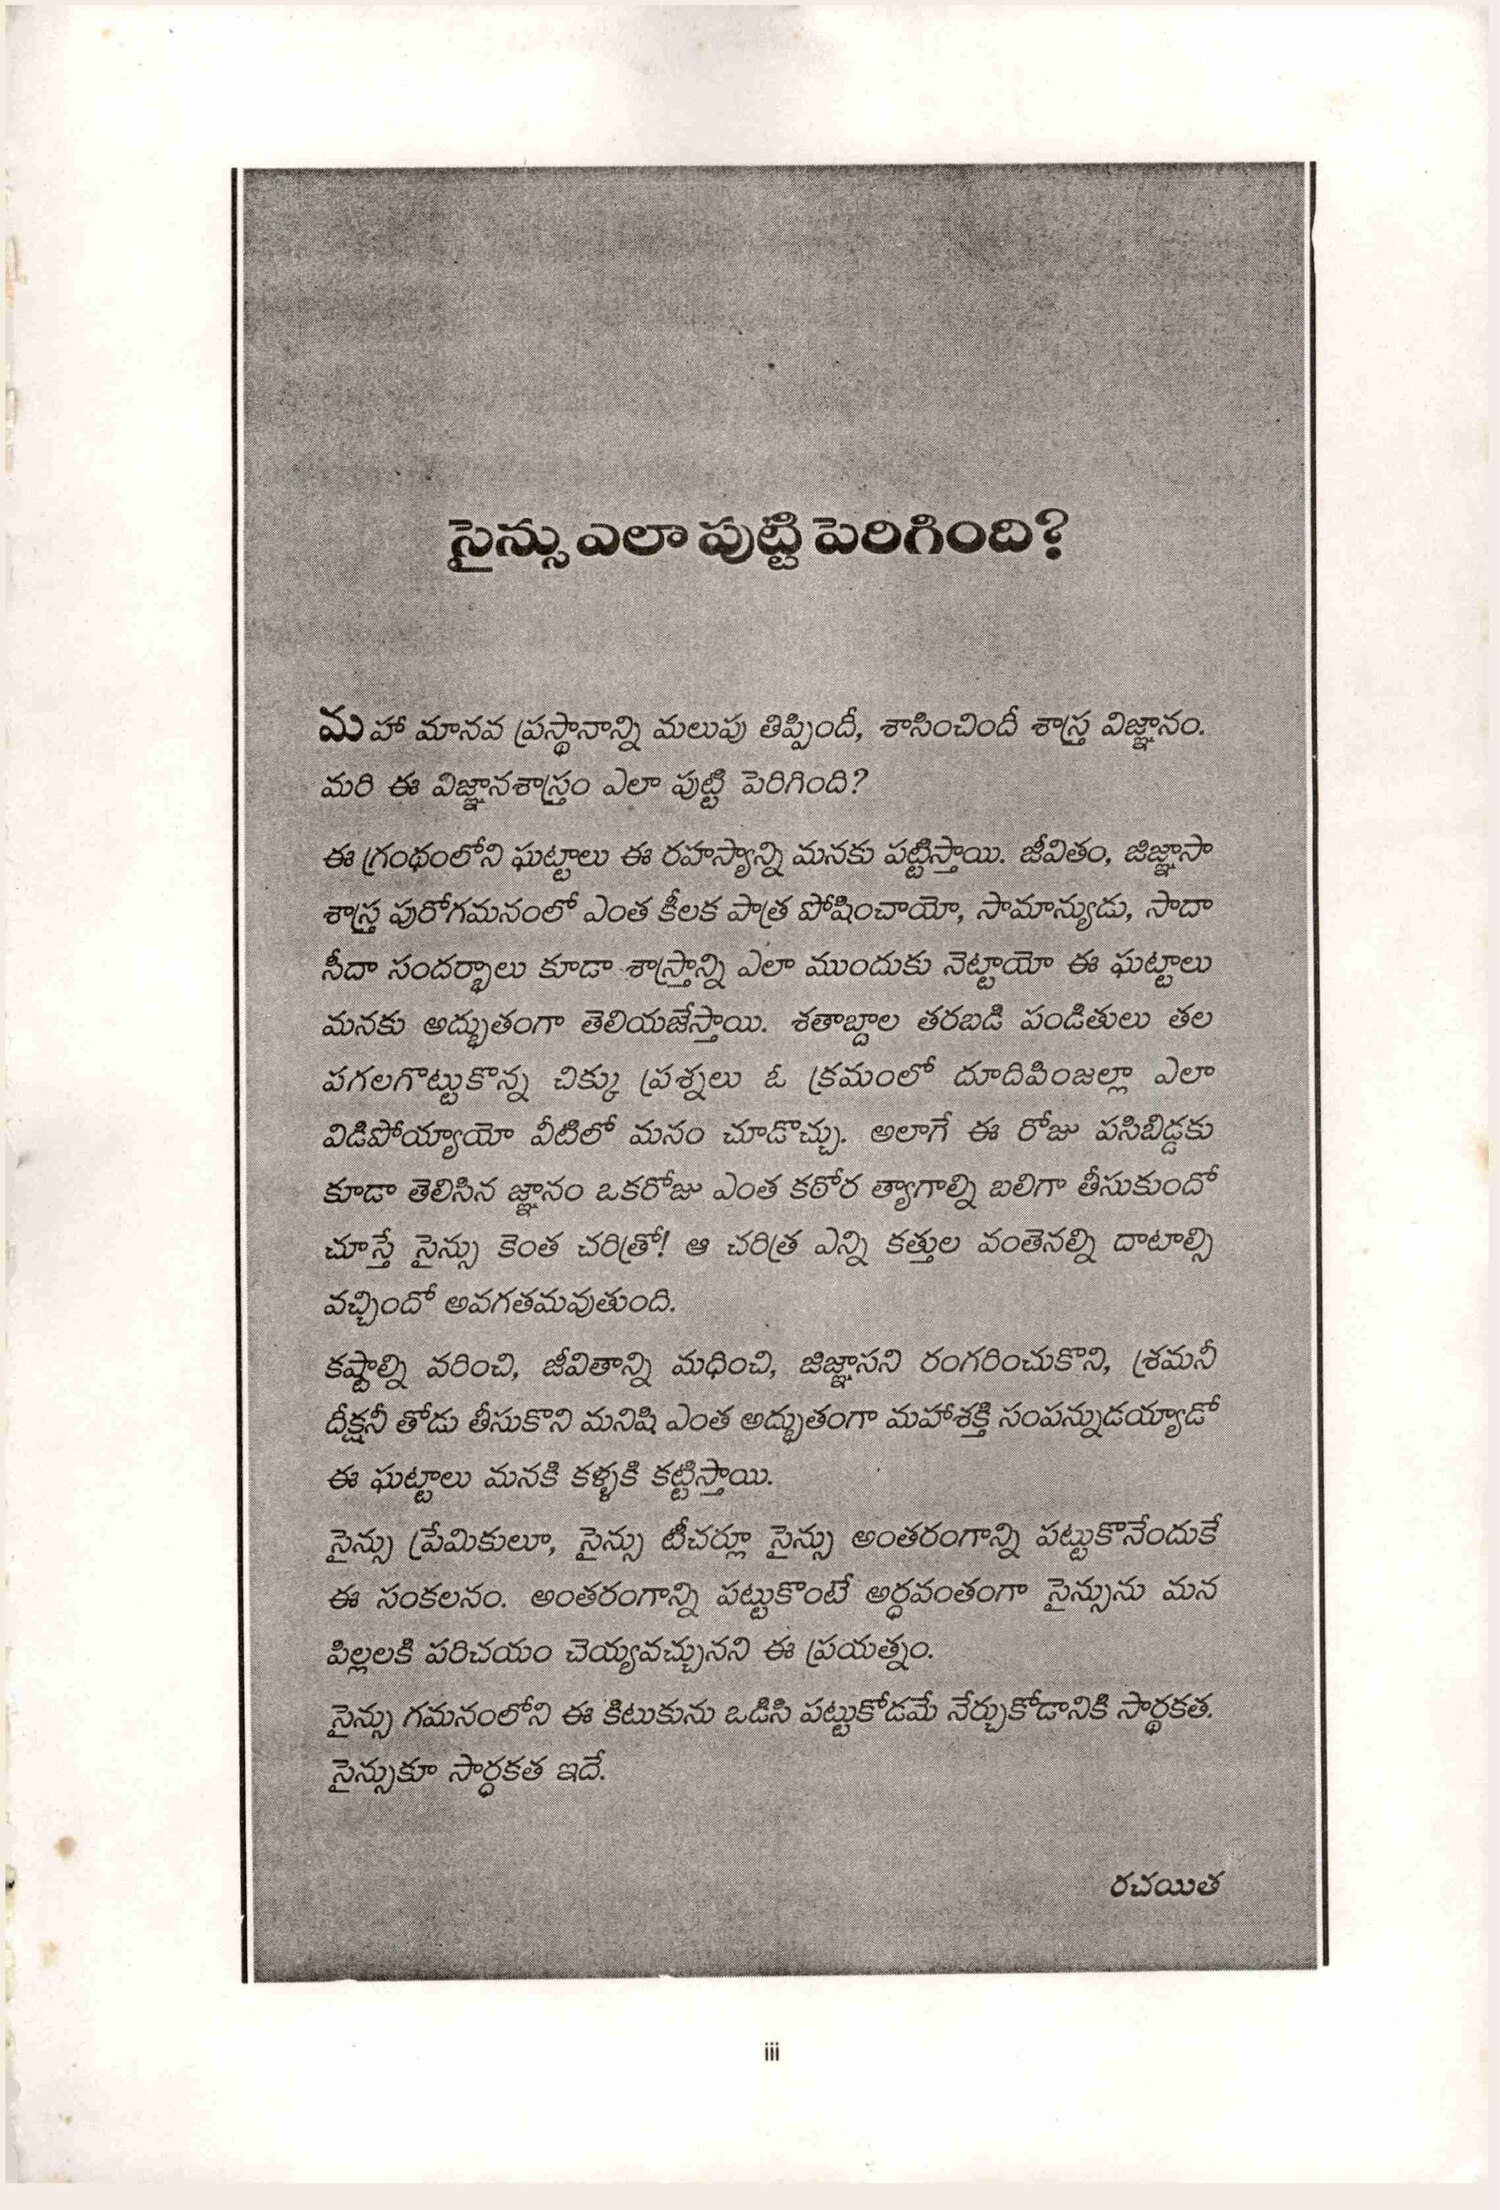సైన్సు ఎలా పుట్టి పెరిగింది?

మహా మానవ ప్రస్థానాన్ని మలుపు తిప్పిందీ, శాసించిందీ శాస్త్ర విజ్ఞానం. మరి ఈ విజ్ఞానశాస్త్రం ఎలా పుట్టి పెరిగింది.?

ఈ గ్రంథంలోని ఘట్టాలు ఈ రహస్యాన్ని మనకు పట్టిస్తాయి. జీవితం, జిజ్ఞాసా శాస్త్ర పురోగమనంలో ఎంత కీలక పాత్ర పోషించాయో, సామాన్యుడు, సాదా సీదా సందర్భాలు కూడా శాస్త్రాన్ని ఎలా ముందుకు నెట్టాయో ఈ ఘట్టాలు మనకు అద్భుతంగా తెలియజేస్తాయి. శతాబ్దాల తరబడి పండితులు తల పగలగొట్టుకొన్న చిక్కు ప్రశ్నలు ఓ క్రమంలో దూదిపింజల్లా ఎలా విడిపోయ్యాయో వీటిలో మనం చూడొచ్చు. అలాగే ఈ రోజు పసిబిడ్డకు కూడా తెలిసిన జ్ఞానం ఒకరోజు ఎంత కఠోర త్యాగాల్ని బలిగా తీసుకుందో చూస్తే సైన్సు కెంత చరిత్రో! ఆ చరిత్ర ఎన్ని కత్తుల వంతెనల్ని దాటాల్సి వచ్చిందో అవగతమవుతుంది.

కష్టాల్ని వరించి, జీవితాన్ని మధించి, జిజ్ఞాసని రంగరించుకొని, శ్రమనీ దీక్షనీ తోడు తీసుకొని మనిషి ఎంత అద్భుతంగా మహాశక్తి సంపన్నుడయ్యాడో ఈ ఘట్టాలు మనకి కళ్ళకి కట్టిస్తాయి.

సైన్సు ప్రేమికులూ, సైన్సు టీచర్లూ సైన్సు అంతరంగాన్ని పట్టుకొనేందుకే ఈ సంకలనం. అంతరంగాన్ని పట్టుకొంటే అర్ధవంతంగా సైన్సును మన పిల్లలకి పరిచయం చెయ్యవచ్చునని ఈ ప్రయత్నం.

సైన్సు గమనంలోని ఈ కిటుకును ఒడిసి పట్టుకోడమే నేర్చుకోడానికి సార్థకత. సైన్సుకూ సార్ధకత ఇదే.